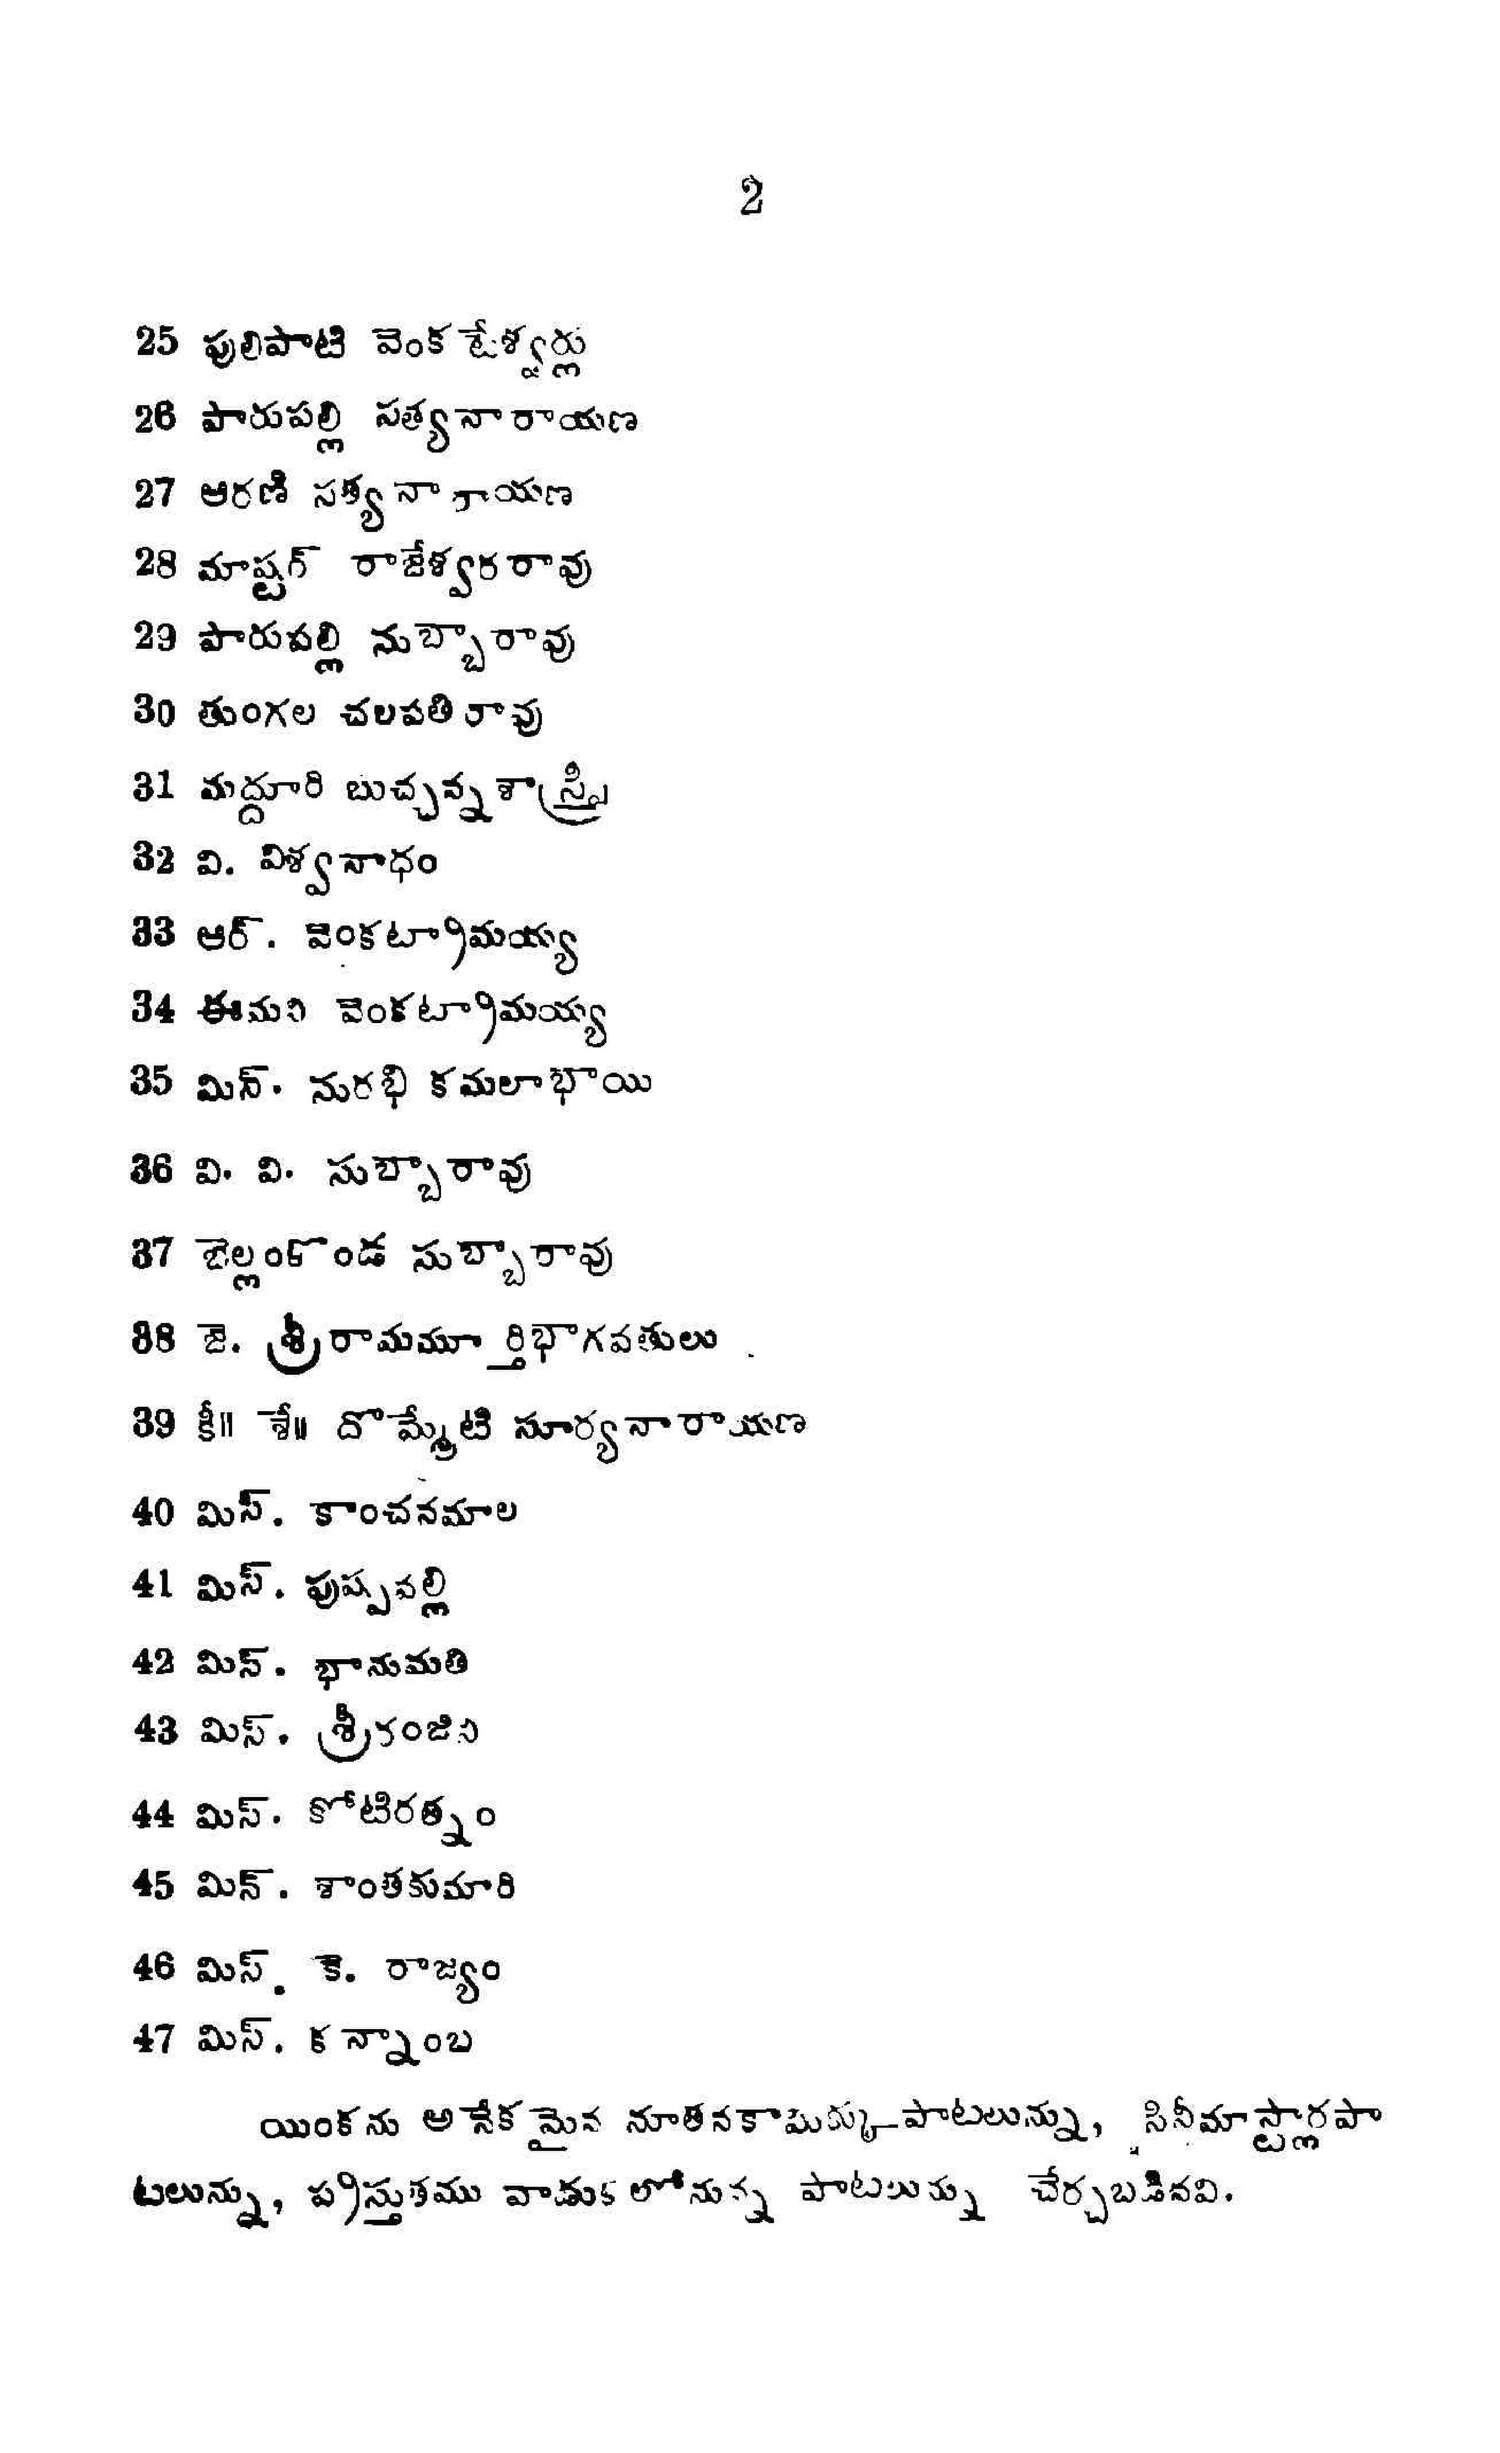25 పులిపాటి వెంకటేశ్వర్లు 

26 పారుపల్లి సత్యనారాయణ 

27 ఆరణి సత్యనారాయణ 

28 మాష్టర్ రాజేశ్వరరావు 

29 పారుపల్లి సుబ్బారావు 

30 తుంగల చలపతిరావు 

31 మద్దూరి బుచ్చన్నశాస్త్రి 

32 వి. విశ్వనాధం 

33 ఆర్. వెంకట్రామయ్య 

34 ఈమని వెంకట్రామయ్య 

35 మిస్. సురభి కమలాభాయి 

36 వి. వి. సుబ్బారావు 

37 బెల్లంకొండ సుబ్బారావు 

38 జె. శ్రీరామమూర్తి భాగవతులు 

39 కీ॥ శే॥ దొమ్మేటి సూర్యనారాయణ 

40 మిస్. కాంచనమాల 

41 మిస్. పుష్పవల్లి 

42 మిస్. భానుమతి 

43 మిస్. శ్రీరంజిని 

44 మిస్. కోటిరత్నం 

45 మిన్. శాంతకుమారి 

46 మిస్. కె. రాజ్యం 

47 మిస్. కన్నాంబ

యింకను అనేకమైన నూతన కామిక్కు పాటలున్ను, సినీమా స్టార్లపాటలున్ను , ప్రస్తుతము వాడుకలోనున్న పాటలున్ను చేర్చబడినవి.